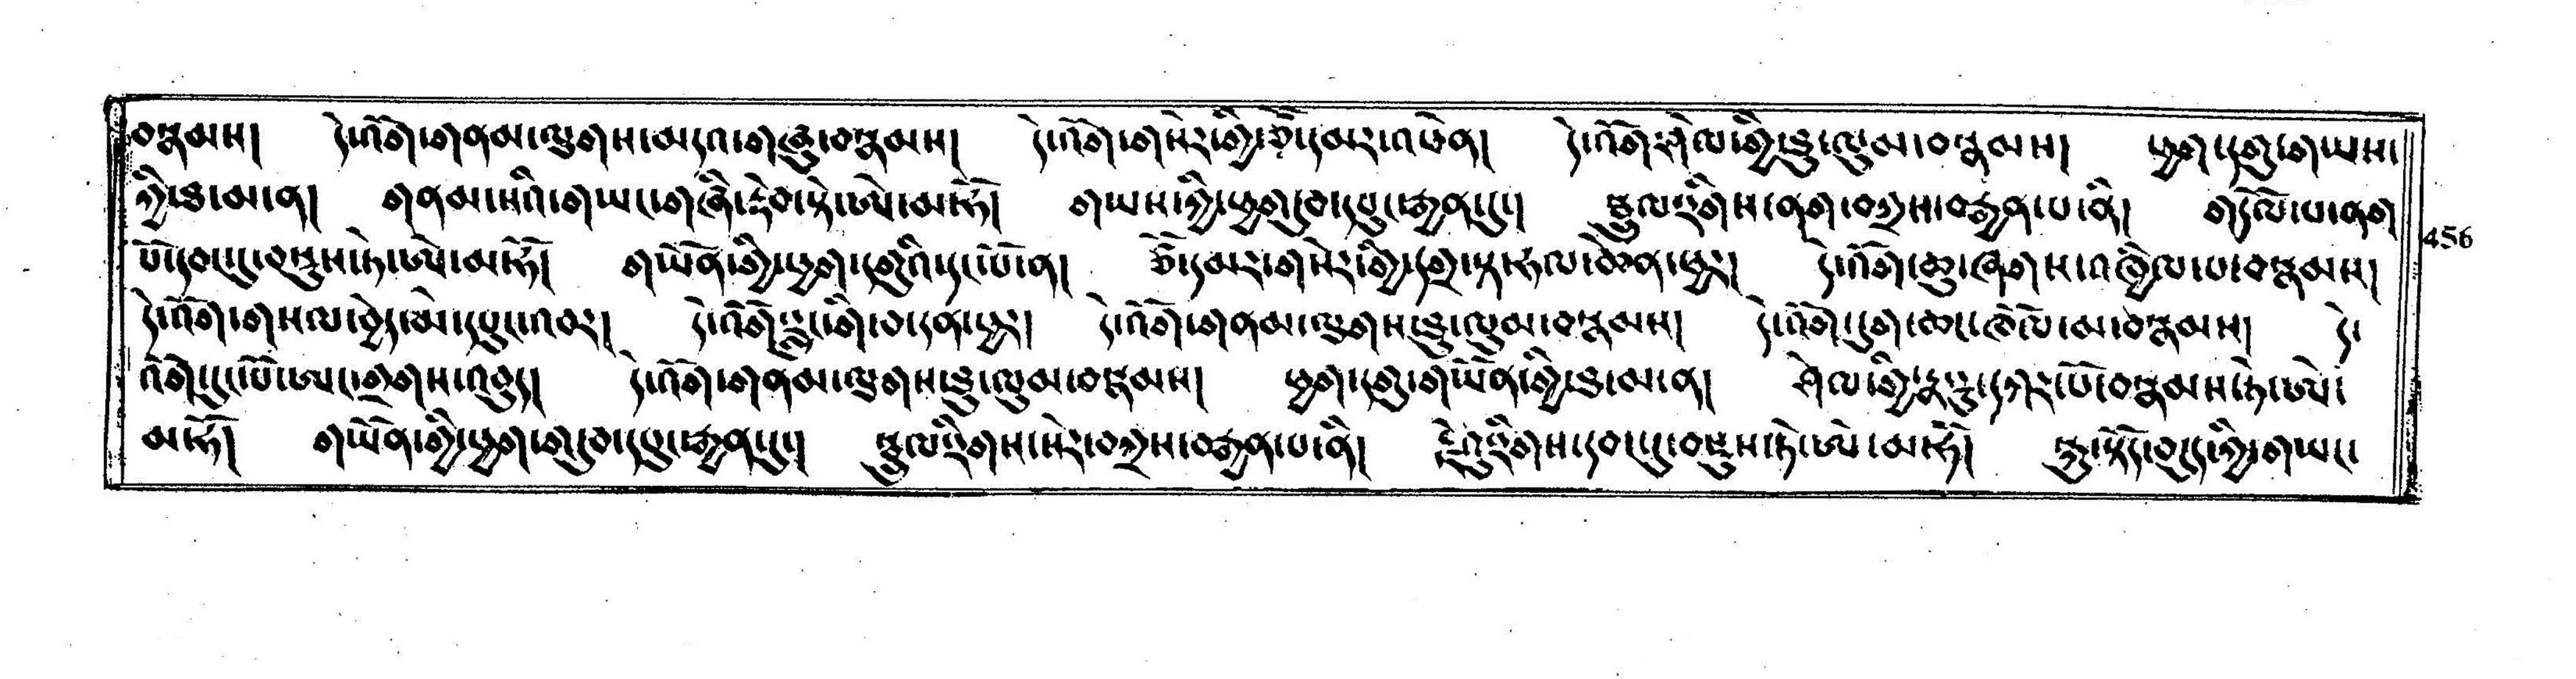བསྣམས། དེ་འོག་གནམ་ལྕགས་མདའ་གཞུ་བསྣམས། དེ་འོག་གསེར་གྱི་ཙོ་དམར་འཕེན། དེ་འོག་ཤེལ་གྱི་ཐུ་ལུམ་བསྣམས། ཕྱག་དགུ་གཡས་
ཀྱི་ཐ་མ་ན། གནམ་སའི་གཡང་གཞི་རྡེབ་སྟེ་ཨེ་མ་ཧོ། གཡས་ཀྱི་ཕྱག་གདུབ་དཔུང་རྒྱན་དུ། སྦྲུལ་རིགས་ནག་བཀྲས་བརྒྱན་པ་ནི། གདོལ་པ་ནག་
པོ་དབང་དུ་བསྡུས་ཏེ་ཨེ་མ་ཧོ། གཡོན་གྱི་ཕྱག་དགུའི་དང་པོ་ན། ཙོ་དམར་གསེར་གྱི་དགྲ་སྟ་ཧལ་ཆེན་ཕྱར། དེ་འོག་ཆུ་ཞགས་འཁྱིལ་པ་བསྣམས། 
དེ་འོག་གསལ་བྱེད་མེ་དཔུང་འབར། དེ་འོག་རླུང་གི་བ་དན་ཕྱར། དེ་འོག་གནམ་ལྕགས་ཐུ་ལུམ་བསྣམས། དེ་འོག་དུག་ཆང་ཁོལ་མ་བསྣམས། དེ་
འོག་དུང་པོ་ཨང་གྲགས་འབུད། དེ་འོག་གནམ་ལྕགས་ཐུ་ལུམ་བསྣམས། ཕྱག་དགུ་གཡོན་གྱི་ཐ་མ་ན། ཤེལ་གྱི་རྣ་རུ་དཀར་པོ་བསྣམས་ཏེ་ཨེ་
མ་ཧོ། གཡོན་གྱི་ཕྱག་གདུབ་དཔུང་རྒྱན་དུ། སྦྲུལ་རིགས་སེར་བཀྲས་{470}བརྒྱན་པ་ནི། རྗེའུ་རིགས་དབང་དུ་བསྡུས་ཏེ་ཨེ་མ་ཧོ། སྐུ་སྟོད་བདུད་ཀྱི་གཡང་